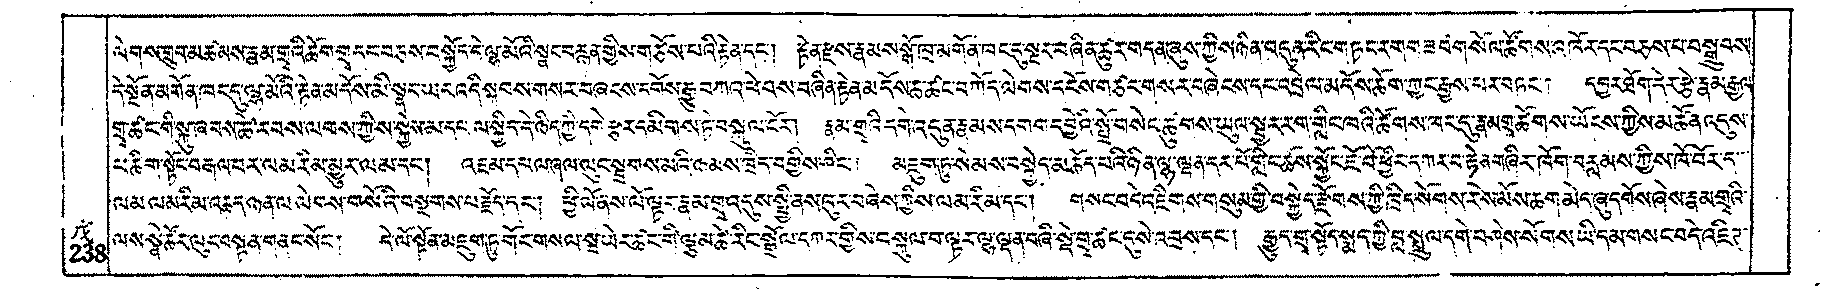ལེགས་གྲུབ་མཚམས་རྣམ་གྲྭའི་ཆོག་གྲྭ་དང་བཅས་བསྐྱོད་དེ་ལྷ་མོའི་སྣང་བརྙན་གྱིས་གཙོས་པའི་རྟེན་དང་། རྟེན་རྫས་རྣམས་སྒོ་ཁྲ་མགོན་ཁང་དུ་སྔར་བཞིན་ཚུར་གདན་ཞུས་ཀྱིས་ཉིན་བདུན་རིང་གཏང་རག་གཟབ་གསོལ་ཚོགས་འཁོར་དང་བཅས་པ་བསྒྲུབས།
དེ་སྔོན་མགོན་ཁང་དུ་ལྷ་མོའི་རྟེན་མདོས་མི་སྣང་ཡང་འདི་སྐབས་གསར་བཞངས་དགོས་རྒྱུ་བཀའ་ཕེབས་བཞིན་རྟེན་མདོས་ཆ་ཚང་བཀོད་ལེགས་དངོས་གཙང་གསར་བཞེངས་དང་འབྲེལ་མདོས་ཆོག་ཀྱང་རྒྱས་པར་བཏང་། དབྱར་ཐོག་དེར་རྩེ་རྣམ་རྒྱལ་
གྲྭ་ཚང་གི་སྐུ་ཞབས་ཚེ་རབས་ལགས་ཀྱིས་སྐྱེས་མ་དང་ལ་སྐྱིད་དེ་ཉིད་ཀྱི་དགེ་རྩར་དམིགས་ཏེ་བསྐུལ་ངོར། རྣམ་གྲྭའི་དགེ་འདུན་རྣམས་དགག་དབྱེའི་སྤྲོ་གསེང་ཚུགས་ཡུལ་སྦྱར་རག་གླིང་ཁའི་ཚོགས་ཁང་དུ་རྣམ་གྲྭ་ཚོགས་ཡོངས་ཀྱིས་མཚོན་འདུས་
པ་ཚིག་སྟོང་བརྒལ་བར་ལམ་རིམ་མྱུར་ལམ་དང་། འཇམ་དཔལ་ཞལ་ལུང་སྦྲགས་མའི་ཉམས་ཁྲིད་བགྱིས་ཤིང་། མཇུག་ཏུ་སེམས་བསྐྱེད་མཆོད་པའི་ཉིན་ལྷ་ལྡན་དར་པོ་གླིང་ཆོས་སྐྱོང་ཇོ་བོ་ཕྱིང་དཀར་བ་རྟེན་གཞིར་ཁོག་བརླམས་ཀྱིས་ཁོ་བོར་ད་
ལམ་ལམ་རིམ་འཆད་ཉན་ལ་ལེགས་གསོའི་བསྔགས་པ་རྗོད་དང་། ཕྱི་ལོ་ནས་ལོ་ལྟར་རྣམ་གྲྭ་འདུས་སྤྱི་ནས་ཁུར་བཞེས་ཀྱིས་ལམ་རིམ་དང་། གསང་བདེ་འཇིགས་གསུམ་གྱི་བསྐྱེད་རྫོགས་ཀྱི་ཁྲིད་སོགས་རེས་མོས་ཆག་མེད་ཞུ་དགོས་ཞེས་རྣམ་གྲྭའི་
ལས་སྣེ་ཚོར་ལུང་བསྟན་གནང་སོང་། དེ་ལོ་སྟོན་མཇུག་ཏུ་གོང་གསལ་སྦ་ཡེར་ཚང་གི་ལྕམ་ཚེ་རིང་སྒྲོལ་དཀར་གྱིས་བསྐུལ་བ་ལྟར་ལྷ་ལྡན་བཞི་སྡེ་གྲྭ་ཚང་དུ་སེ་འབྲས་དང་། རྒྱུད་གྲྭ་སྟོད་སྨད་ཀྱི་བླ་སྤྲུལ་དགེ་བཤེས་སོགས་ཡི་དམ་གསང་བདེ་འཇིགས་